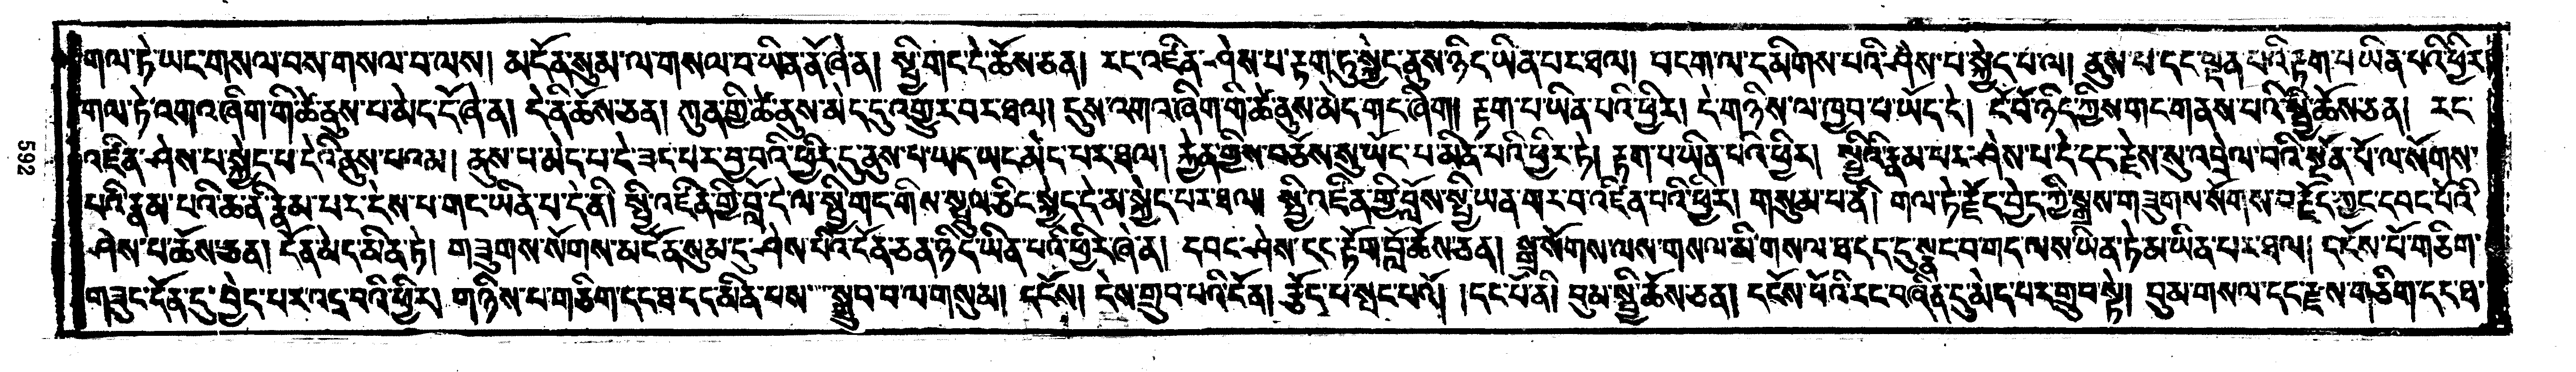གལ་ཏེ་ཡང་གསལ་བས་གསལ་བ་ལས། མངོན་སུམ་ལ་གསལ་བ་ཡིན་ནོ་ཞེ་ན། སྤྱི་གང་དེ་ཆོས་ཅན། རང་འཛིན་ཤེས་པ་རྟག་ཏུ་སྐྱེད་ནུས་ཉིད་ཡིན་པར་ཐལ། བདག་ལ་དམིགས་པའི་ཤེས་པ་སྐྱེད་པ་ལ། ནུས་པ་དང་ལྡན་པའི་རྟག་པ་ཡིན་པའི་ཕྱིར་
གལ་ཏེ་འགའ་ཞིག་གི་ཚེ་ནུས་པ་མེད་དོ་ཞེ་ན། དེ་ནི་ཆོས་ཅན། ཀུན་གྱི་ཚེ་ནུས་མེད་དུ་འགྱུར་བར་ཐལ། དུས་འགའ་ཞིག་གི་ཚེ་ནུས་མེད་གང་ཞིག། རྟག་པ་ཡིན་པའི་ཕྱིར། དེ་གཉིས་ལ་ཁྱབ་པ་ཡོད་དེ། ངོ་བོ་ཉིད་ཀྱིས་གང་གནས་པའི་སྤྱི་ཆོས་ཅན། རང་
འཛིན་ཤེས་པ་སྐྱེད་པ་དེའི་ནུས་པའམ། ནུས་པ་མེད་པ་དེ་ཟད་པར་བྱ་བའི་ཕྱིར་དུ་ནུས་པ་ཡང་ཡང་མེད་པར་ཐལ། རྐྱེན་གྱིས་བཅོས་སུ་ཡོད་པ་མིན་པའི་ཕྱིར་ཏེ། རྟག་པ་ཡིན་པའི་ཕྱིར། སྤྱིའི་རྣམ་པར་ཤེས་པ་དེ་དང་རྗེས་སུ་འབྲེལ་བའི་སྔོན་པོ་ལ་སོགས་
པའི་རྣམ་པའི་ཆ་ནི་རྣམ་པར་ངེས་པ་གང་ཡིན་པ་དེ་ནི། སྤྱི་འཛིན་གྱི་བློ་དེ་ལ་སྤྱི་གང་གིས་སྤྲུལ་ཅིང་སྐྱེད་དེ་མ་སྐྱེད་པར་ཐལ། སྤྱི་འཛིན་གྱི་བློས་སྤྱི་ཡན་གར་བ་འཛིན་པའི་ཕྱིར། གསུམ་པ་ནི། གལ་ཏེ་རྗོད་བྱེད་ཀྱི་སྒྲས་གཟུགས་སོགས་བརྗོད་ཀྱང་དབང་པོའི་
ཤེས་པ་ཆོས་ཅན། དོན་མེད་མིན་ཏེ། གཟུགས་སོགས་མངོན་སུམ་དུ་ཤེས་པའི་དོན་ཅན་ཉིད་ཡིན་པའི་ཕྱིར་ཞེ་ན། དབང་ཤེས་དང་རྟོག་བློ་ཆོས་ཅན། སྒྲ་སོགས་ལས་གསལ་མི་གསལ་ཐ་དད་དུ་སྣང་བ་གད་ལས་ཡིན་ཏེ་མ་ཡིན་པར་ཐལ། དངོས་པོ་གཅིག་
གཟུང་དོན་དུ་བྱེད་པར་འདྲ་བའི་ཕྱིར། གཉིས་པ་གཅིག་དང་ཐ་དད་མིན་པས་སྒྲུབ་པ་ལ་གསུམ། དངོས། དེས་གྲུབ་པའི་དོན། རྩོད་པ་སྤང་པའོ། །དང་པོ་ནི། བུམ་སྤྱི་ཆོས་ཅན། དངོས་པོའི་རང་བཞིན་དུ་མེད་པར་གྲུབ་སྟེ། བུམ་གསལ་དང་རྫས་གཅིག་དང་ཐ་